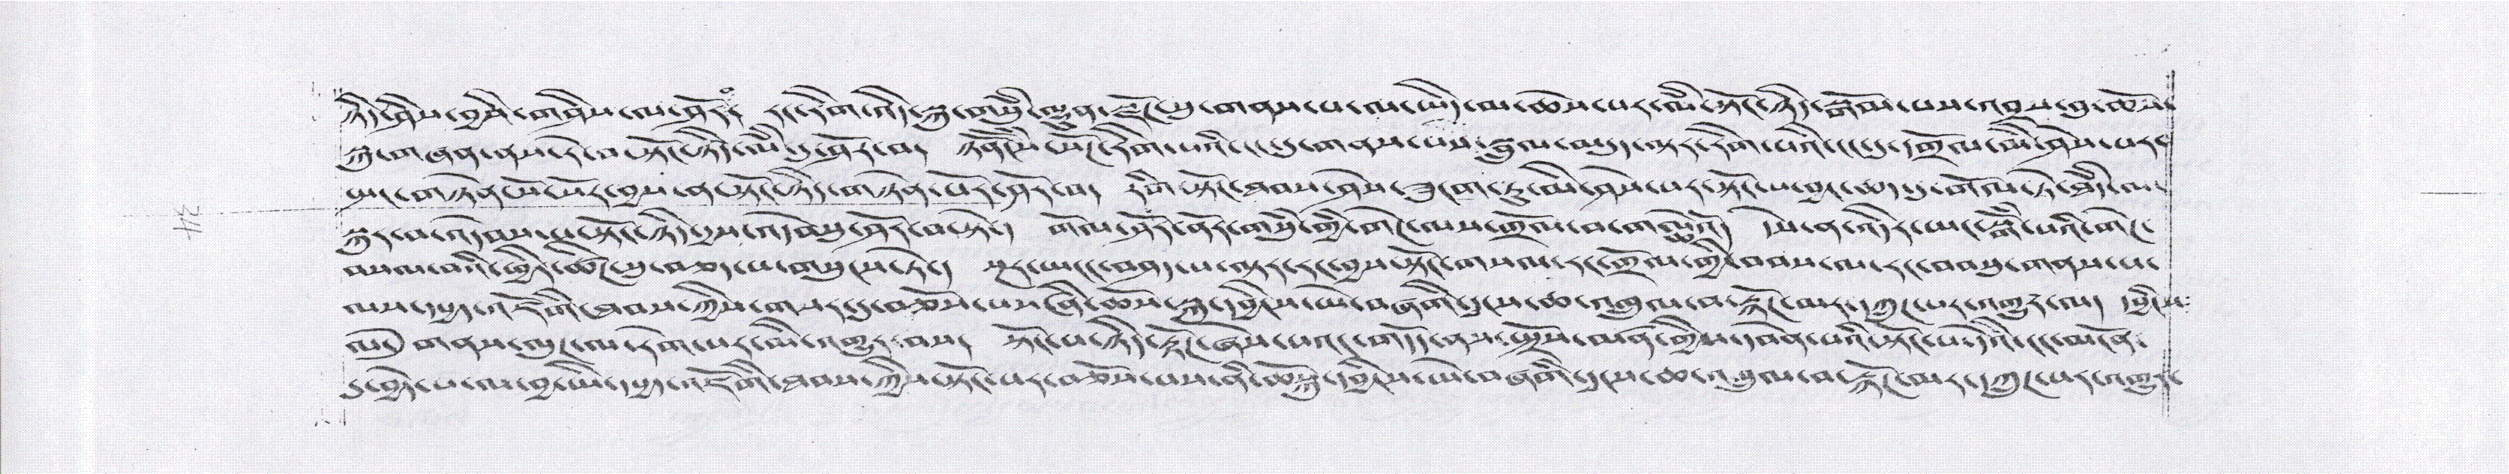ཉིད་ཤེས་བྱའི་གཤིས་ལ་ཤོར་བ། རང་རིག་འདི་སྐུ་གསུམ་ལྷུན་རྫོགས་སུ་གནས་པ་ལ་ཡིད་མ་ཆེས་པར་ལམ་སྟོང་ཉིད་བསྒོམ་པས་འབྲས་བུ་ཆོས་
སྐུ་གཞན་ནས་རེ་བ་སྟོང་ཉིད་ལམ་དུ་ཤོར་བ། ཉོན་མོངས་སོགས་རིག་པའི་ངང་དུ་གནས་པས་སྦྲུལ་མདུད་ལྟར་རིག་པའི་ངང་དུ་དགྲོལ་མི་ཤེས་པར་
སྤང་གཉེན་སོ་སོར་བྱས་ན་སྟོང་ཉིད་གཉེན་པོར་ཤོར་བ། རིག་སྟོང་ཐབས་ཤེས་ཟུང་འཇུག་ཏུ་མི་ཤེས་པར་སྟོང་པ་བྱང་༼ཕྱང་༽ཆད་དུ་གོལ་ཏེ་ཐམས་ཅད་ལ་
སྐུར་པ་འདེབས་པ་སྟོང་ཉིད་རྒྱས་འདེབས་སུ་ཤོར་བ་སྟེ། གོལ་ཤོར་གསུམ་སྟེ་གོལ་ཤོར་གསུམ་གྱི་གེགས་ལས་གྲོལ་བ་གལ་ཆེའོ། དེས་ན་འདིར་ཡང་སྒོམ་པའི་གེགས་
བསལ་བའི་ཕྱིར་ཚིགས་སུ་བཅད་པ་གསུངས་ཏེ། སྔར་ཡང་ཡང་བཤད་པ་ལྟར་རང་བབས་སྟོང་གསལ་རང་གྲོལ་གྱི་བབས་ལ་རང་བབས་སུ་གནས་པ་

ལས་དཔྱད་འཇོག་གི་ཐབས་ཀྱིས་གསར་དུ་བཅོས་པས་གནས་ལུགས་ལ་རེག་པར་མི་འགྱུར་བས། སྟོང་པ་ཉིད་རྟོགས་ཞེས་པའང་གདོད་ནས་སྤྲོས་མཚན་གྱིས་དབེན་པའི་སྟོང་པ་དེའི་ངང་མངོན་
དུ་བྱེད་པ་ལ་བྱི་ཡི། དཔྱད་འཇོག་གི་ཐབས་ཀྱིས་སྟོང་པར་བཅོས་པས་ནི་ཆོས་སྐུ་དབྱིངས་ཡེ་བཞག་གི་དྭངས་ཆ་འཁྲུལ་པ་རྙོགས་མར་དཀྲུགས་པར་འགྱུར་